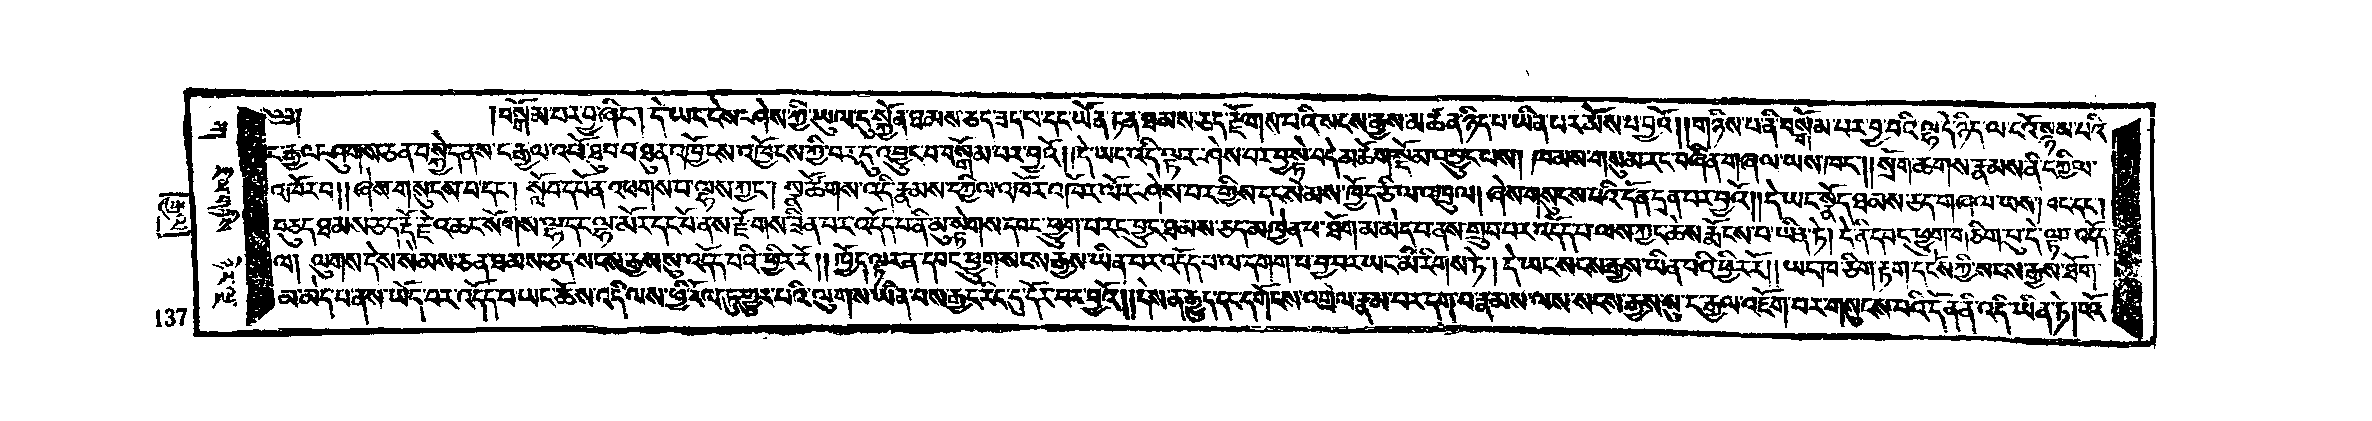༄༅། །བསྒོམ་པར་བྱ་ཞིང་། དེ་ཡང་ངེས་ཤེས་ཀྱི་ཡུལ་དུ་སྐྱོན་ཐམས་ཅད་ཟད་པ་དང་ཡོན་ཏན་ཐམས་ཅད་རྫོགས་པའི་སངས་རྒྱས་མཚན་ཉིད་པ་ཡིན་པར་མོས་པ་བྱའོ། །གཉིས་པ་ནི་བསྒོམ་པར་བྱ་བའི་ལྷ་དེ་ཉིད་ལ་ངའོ་སྙམ་པའི་
ང་རྒྱལ་ཤུགས་ཅན་བསྐྱེད་ནས་ང་རྒྱལ་འཕོ་ཐུབ་པ་ཐུན་འཁྱོངས་འཁྱོངས་ཀྱི་བར་དུ་འབྱུང་བ་བསྒོམ་པར་བྱའོ། །དེ་ཡང་འདི་ལྟར་ཤེས་པར་བྱ་སྟེ་བདེ་མཆོག་སྡོམ་འབྱུང་པས། ཁམས་གསུམ་རང་བཞིན་གཞལ་ཡས་ཁང་། །སྲོག་ཆགས་རྣམས་ནི་དཀྱིལ་
འཁོར་བ། །ཞེས་གསུངས་པ་དང་། སློབ་དཔོན་འཕགས་པ་ལྷས་ཀྱང་། སྣ་ཚོགས་འདི་རྣམས་དཀྱིལ་འཁོར་འཁོར་ལོར་ཤེས་པར་གྱིས་དང་སེམས་ཁྱོད་ཅི་ལ་འཁྲུལ། ཞེས་གསུངས་པའི་དོན་དྲན་པར་བྱའོ། །དེ་ཡང་སྣོད་ཐམས་ཅད་གཞལ་ཡས་ཁང་དང་།
བཅུད་ཐམས་ཅད་རྡོ་རྗེ་འཆང་སོགས་ལྷ་དང་ལྷ་མོར་དང་པོ་ནས་རྫོགས་ཟིན་པར་འདོད་པ་ནི་མུ་སྟེགས་དབང་ཕུག་པ་རང་བྱུང་ཐམས་ཅད་མཁྱེན་པ་ཐོག་མ་མེད་པ་ནས་གྲུབ་པར་འདོད་པ་ལས་ཀྱང་ཆེས་རྨོངས་པ་ཡིན་ཏེ། དེ་ནི་དབང་ཕུག་གཅིག་པུ་དེ་ལྟར་འདོད་
ལ། ལུགས་དེས་སེམས་ཅན་ཐམས་ཅད་སངས་རྒྱས་སུ་འདོད་པའི་ཕྱིར་རོ། །ཁྱོད་ལྟར་ན་དབང་ཕྱུག་སངས་རྒྱས་ཡིན་པར་འདོད་པ་ལ་དགག་པ་བྱ་བར་ཡང་མི་རིགས་ཏེ། དེ་ཡང་སངས་རྒྱས་ཡིན་པའི་ཕྱིར་རོ། །ཡང་ཁ་ཅིག་རྟག་དངོས་ཀྱི་སངས་རྒྱས་ཐོག་
མ་མེད་པ་ནས་ཡོད་པར་འདོད་པ་ཡང་ཆོས་འདི་ལས་ཕྱི་རོལ་ཏུ་གྱུར་པའི་ལུགས་ཡིན་པས་རྒྱང་རིང་དུ་དོར་བར་བྱའོ། །དེས་ན་རྒྱུད་དང་དགོངས་འགྲེལ་རྣམ་པར་དག་པ་རྣམས་ལས་སངས་རྒྱས་སུ་ང་རྒྱལ་འཇོག་པར་གསུངས་པའི་དོན་ནི་འདི་ཡིན་ཏེ། ངའོ་